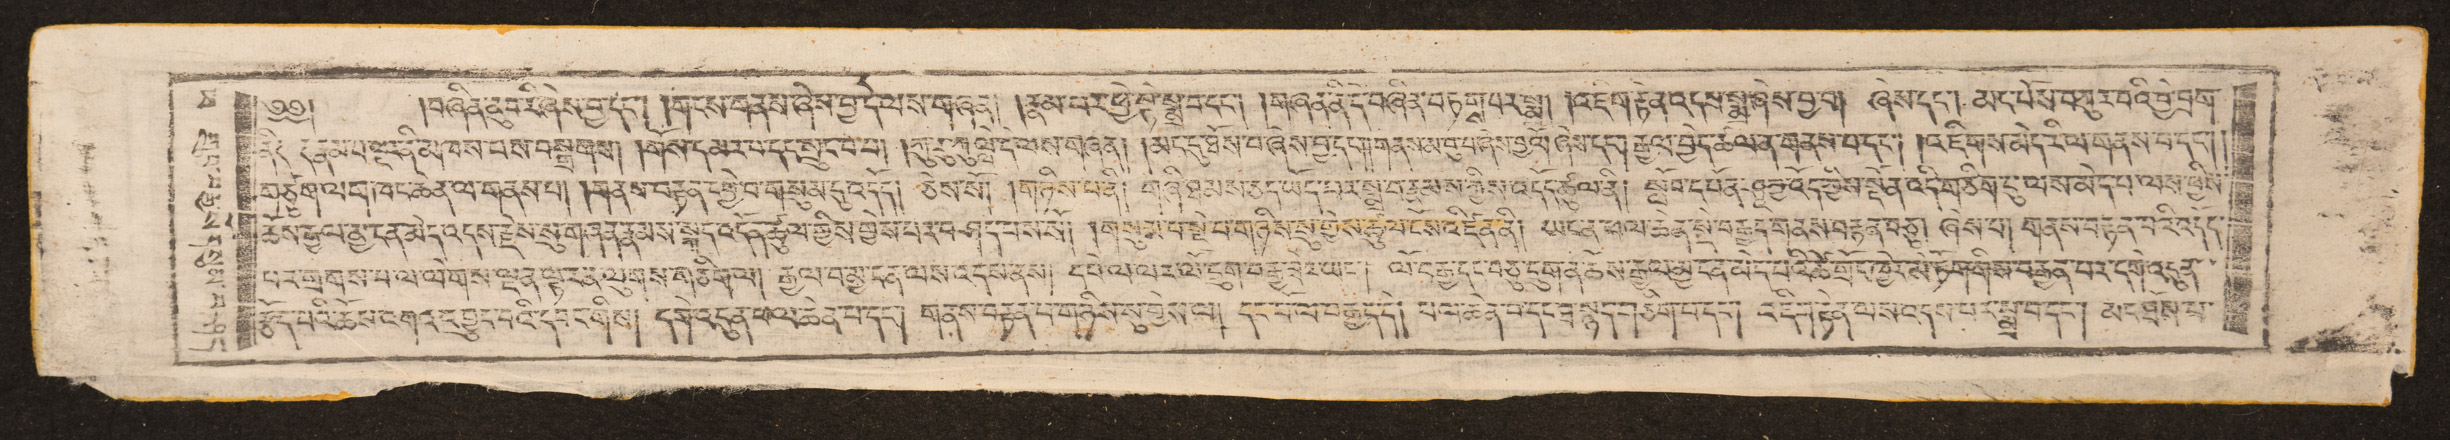༄༅། །བཞིན་ནུབ་རི་ཞེས་བྱ་དང་། །གངས་གནས་ཞེས་བྱ་དེ་ལས་གཞན། །རྣམ་པར་ཕྱེ་སྟེ་སྨྲ་བ་དང་། །གཞན་ནི་དེ་བཞིན་བཏགས་པར་སྨྲ། །འཇིག་རྟེན་འདས་སྨྲ་ཞེས་བྱ་བ། ཞེས་དང་། མང་པོས་བཀུར་བའི་བྱེ་བྲག་
ནི༑ ༑རྣམ་པ་ལྔར་ནི་མཁས་པས་བསྒྲགས། །གོས་དམར་པ་དང་སྲུང་བ་པ། །ཀུ་རུ་ཀུལླེ་དེ་ལས་གཞན། །མང་དུ་ཐོས་པ་ཞེས་བྱ་དང་། །གནས་མ་བུ་པ་ཞེས་བྱའོ། ཞེས་དང་། རྒྱལ་བྱེད་ཚལ་ན་གནས་པ་དང་། །འཇིགས་མེད་རིལ་གནས་པ་དང།།
གཙུག་ལག་ཁང་ཆེན་ལ་གནས་པ། །གནས་བརྟན་དབྱེ་?་བ་གསུམ་དུ་འདོད། ཅེས་སོ། །གཉིས་པ་ནི། གཞི་ཐམས་ཅད་ཡོད་པར་སྨྲ་བ་རྣམས་ཀྱིས་འདོད་ཚུལ་ནི། སློབ་དཔོན་ཤཱཀྱ་འོད་ཀྱིས་སྔོན་འདི་གཅིག་པུ་ལས་མེད་པ་ལས་ཕྱིས་
ཆོས་རྒྱལ་མྱ་ངན་མེད་འདས་རྗེས་སུ་གཞན་རྣམས་སྐད་འདོན་ཚུལ་གྱིས་གྱེས་པར་བཤད་པས་སོ། །གསུམ་པ་སྡེ་པ་གཉིས་སུ་གྱིས་ཚུལ་ངོས་འཛིན་ནི། ཡང་ན་ཕལ་ཆེན་སྡེ་བརྒྱད་གནས་བརྟན་བཅུ། ཞེས་པ། གནས་བརྟན་པའི་འདོད་
པར་གྲགས་པ་ལ་ལེགས་ལྡན་ལྟར་ན་ལུགས་གཅིག་ལ། རྒྱལ་བ་མྱ་ངན་ལས་འདས་ནས། དཔེ་ལ་ལར་ལོ་དྲུག་བརྒྱ་ཟེར་ཡང་། ལོ་བརྒྱ་དང་བཅུ་དྲུག་ན་ཆོས་རྒྱལ་མྱ་ངན་མེད་པའི་ཚེ་གྲོང་ཁྱེར་མེ་ཏོག་གིས་བརྒྱན་པར་དགེ་འདུན་
རྩོད་པའི་ཆོས་འགའ་འབྱུང་བའི་དབང་གིས། དགེ་འདུན་པ་ལ་ཆེན་པ་དང་། གནས་བརྟན་པ་གཉིས་སུ་གྱིས་ལ། དང་པོ་ལ་བརྒྱད་དེ། ཕལ་ཆེན་བ་དང་ཐ་སྙད་གཅིག་པ་དང་། འཇིག་རྟེན་ལས་འདས་པར་སྨྲ་བ་དང་། མང་ཐོས་པ་